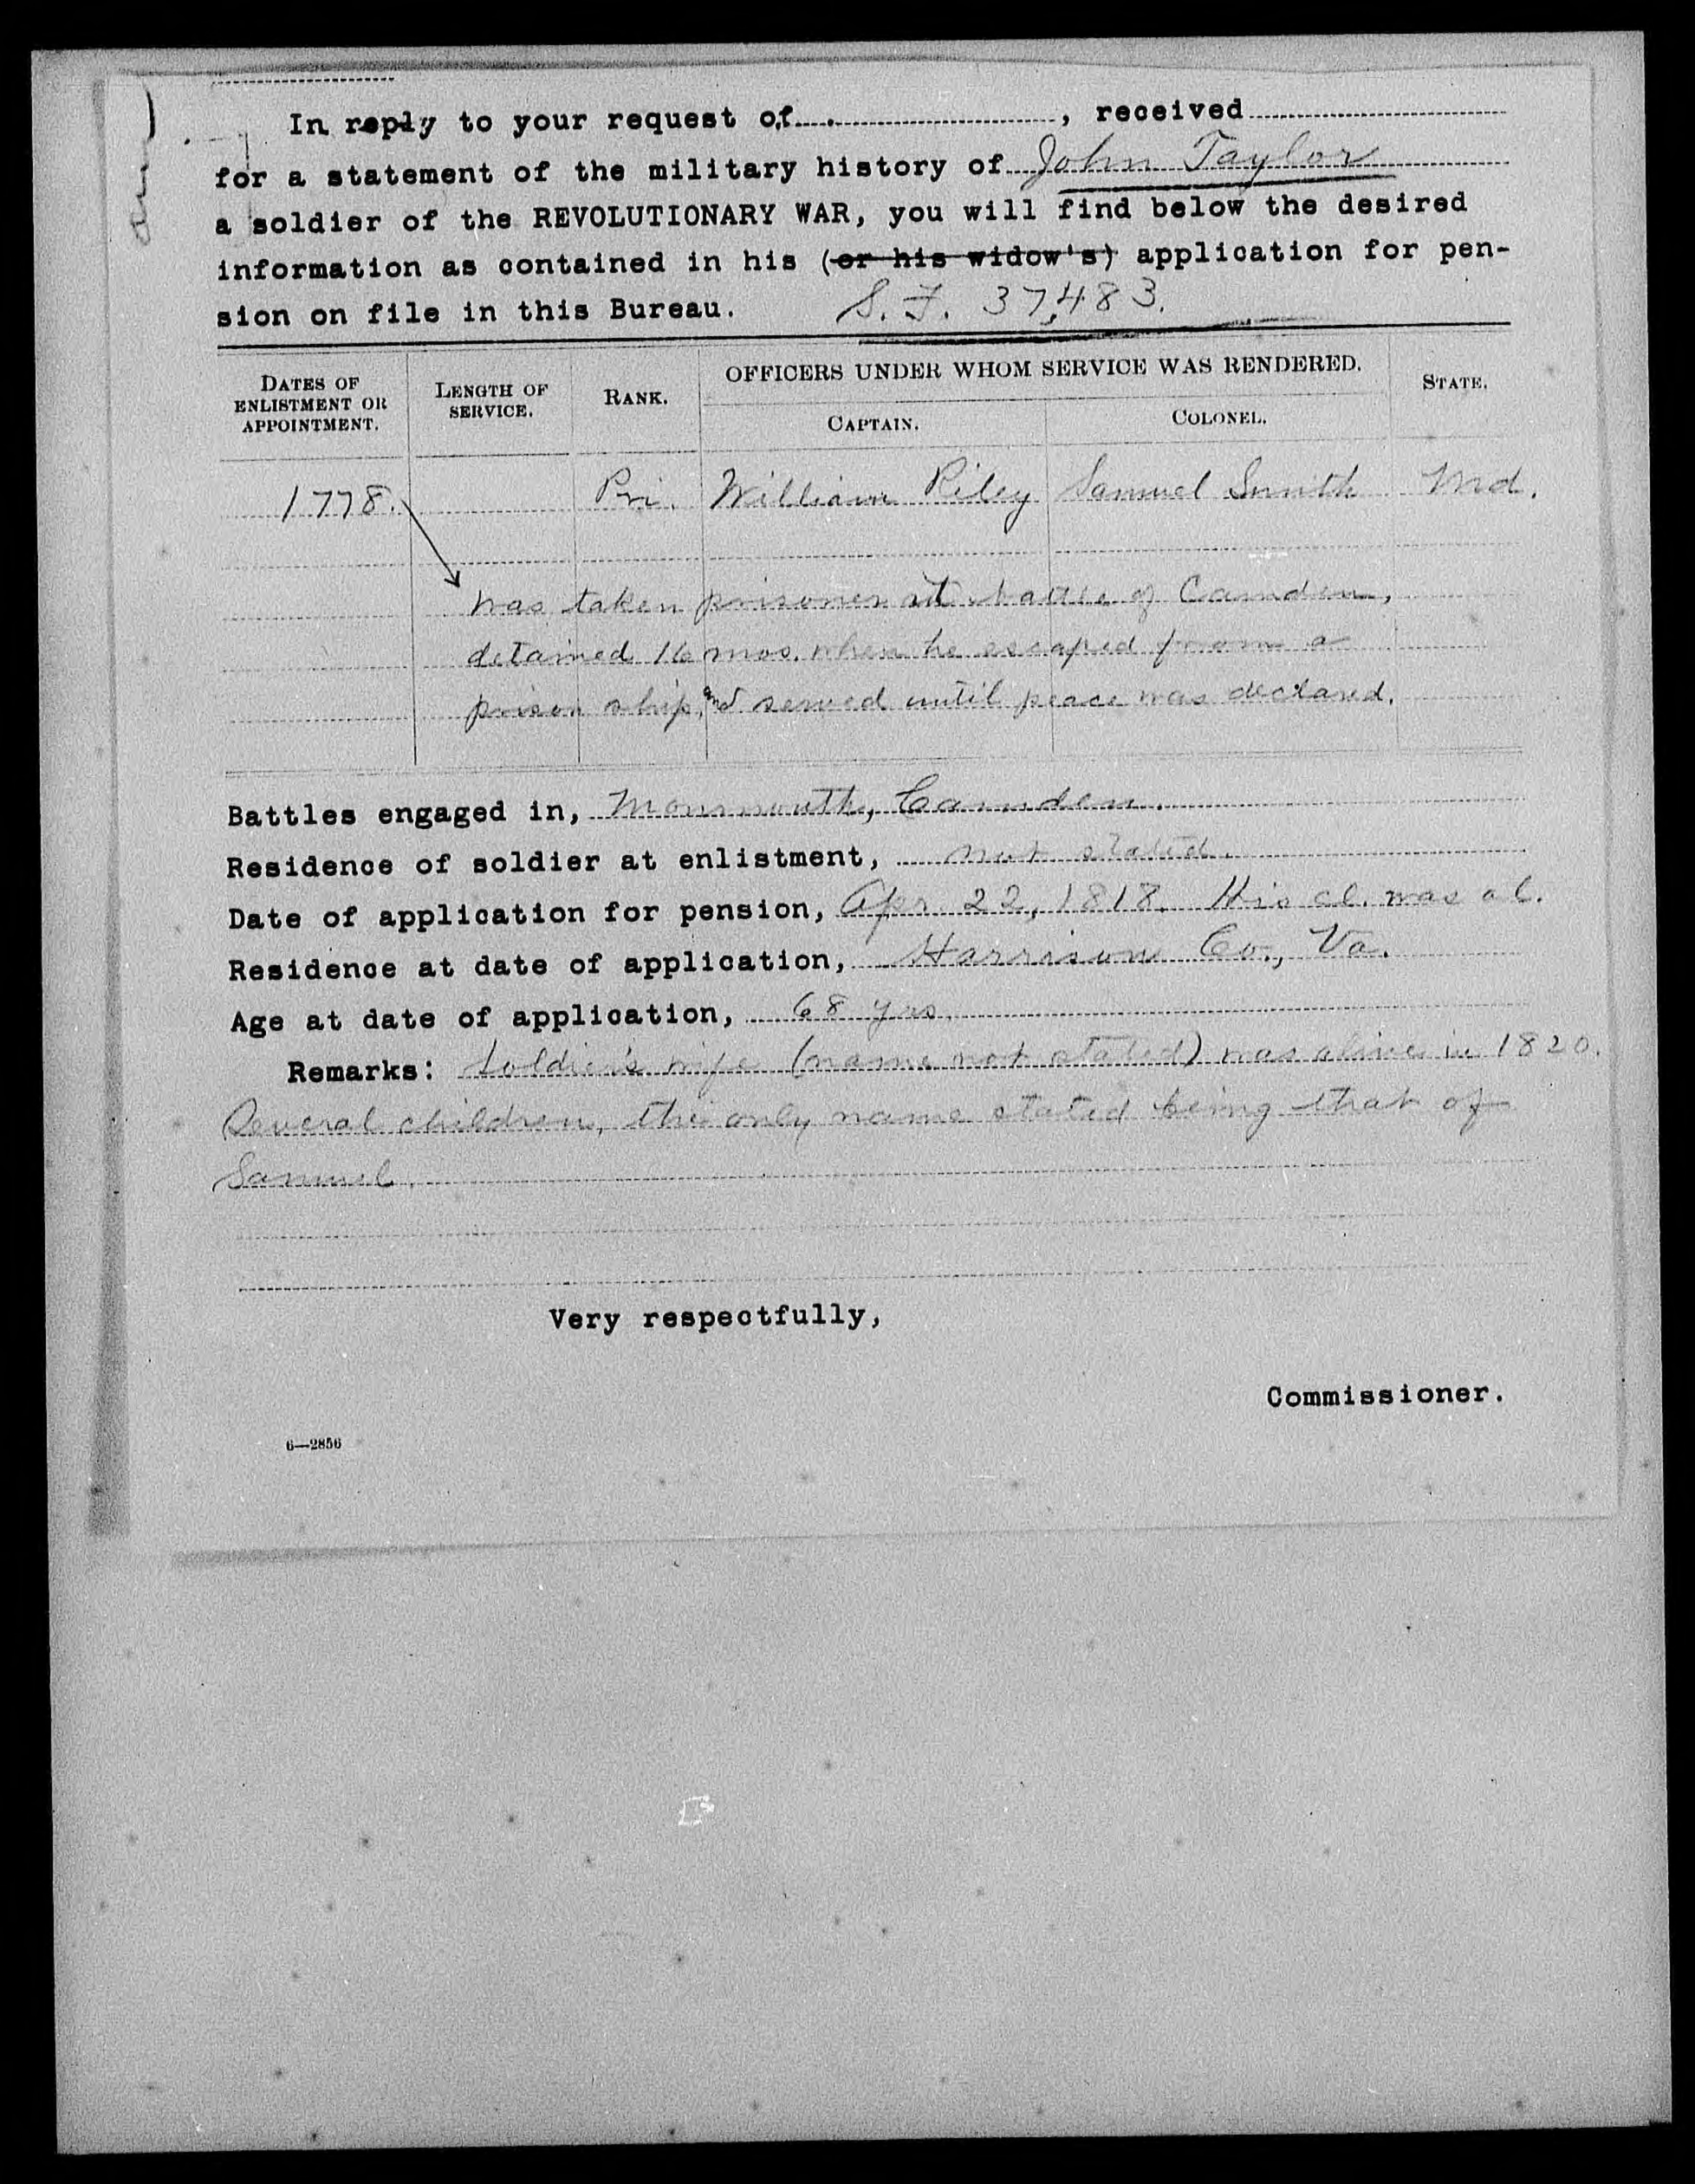[Top portion of form cut off]

In reply to your request of [blank], received [blank]
for a statement of the military history of John Taylor 
a soldier of the REVOLUTIONARY WAR, you will find below the desired 
information as contained in his ([struck out: or his widow's]) application for pen
sion on file in this Bureau.  S.F. 37483
============================================================
DATES OF | | | OFFICERS UNDER WHO WHOM SERVICES WAS RENDERED. |
ENLISTMENT OR | LENGTH OF |
APPOINTMENT. | SERVICE. | RANK. | CAPTAIN. | COLONEL. | STATE.
_____________________________________________________________________

1778.↘️ | [blank] | Pri. | William Riley | Samuel Smith | Md.
was taken prisoner at battle of Camden
detained 16 mos. when he escaped from a 
prison ship and served until peace was declared.

Battles engaged in, Monmouth, Camden

Residence of soldier at enlistment, not stated.

Date of application for pension, Apr. 22, 1818.  His cl. was al.

Residence at date of application, Harrison Co., Va.

Age at date of application, 68 yrs.

Remarks:  Soldier's wife (name not stated) was alive in 1820.
Several children, the only name stated being that of 
Samuel.

Very respectfully, 

Commissioner.
6-2856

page: 8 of 18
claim: survivor's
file: S. 37,483, for John Taylor, Maryland